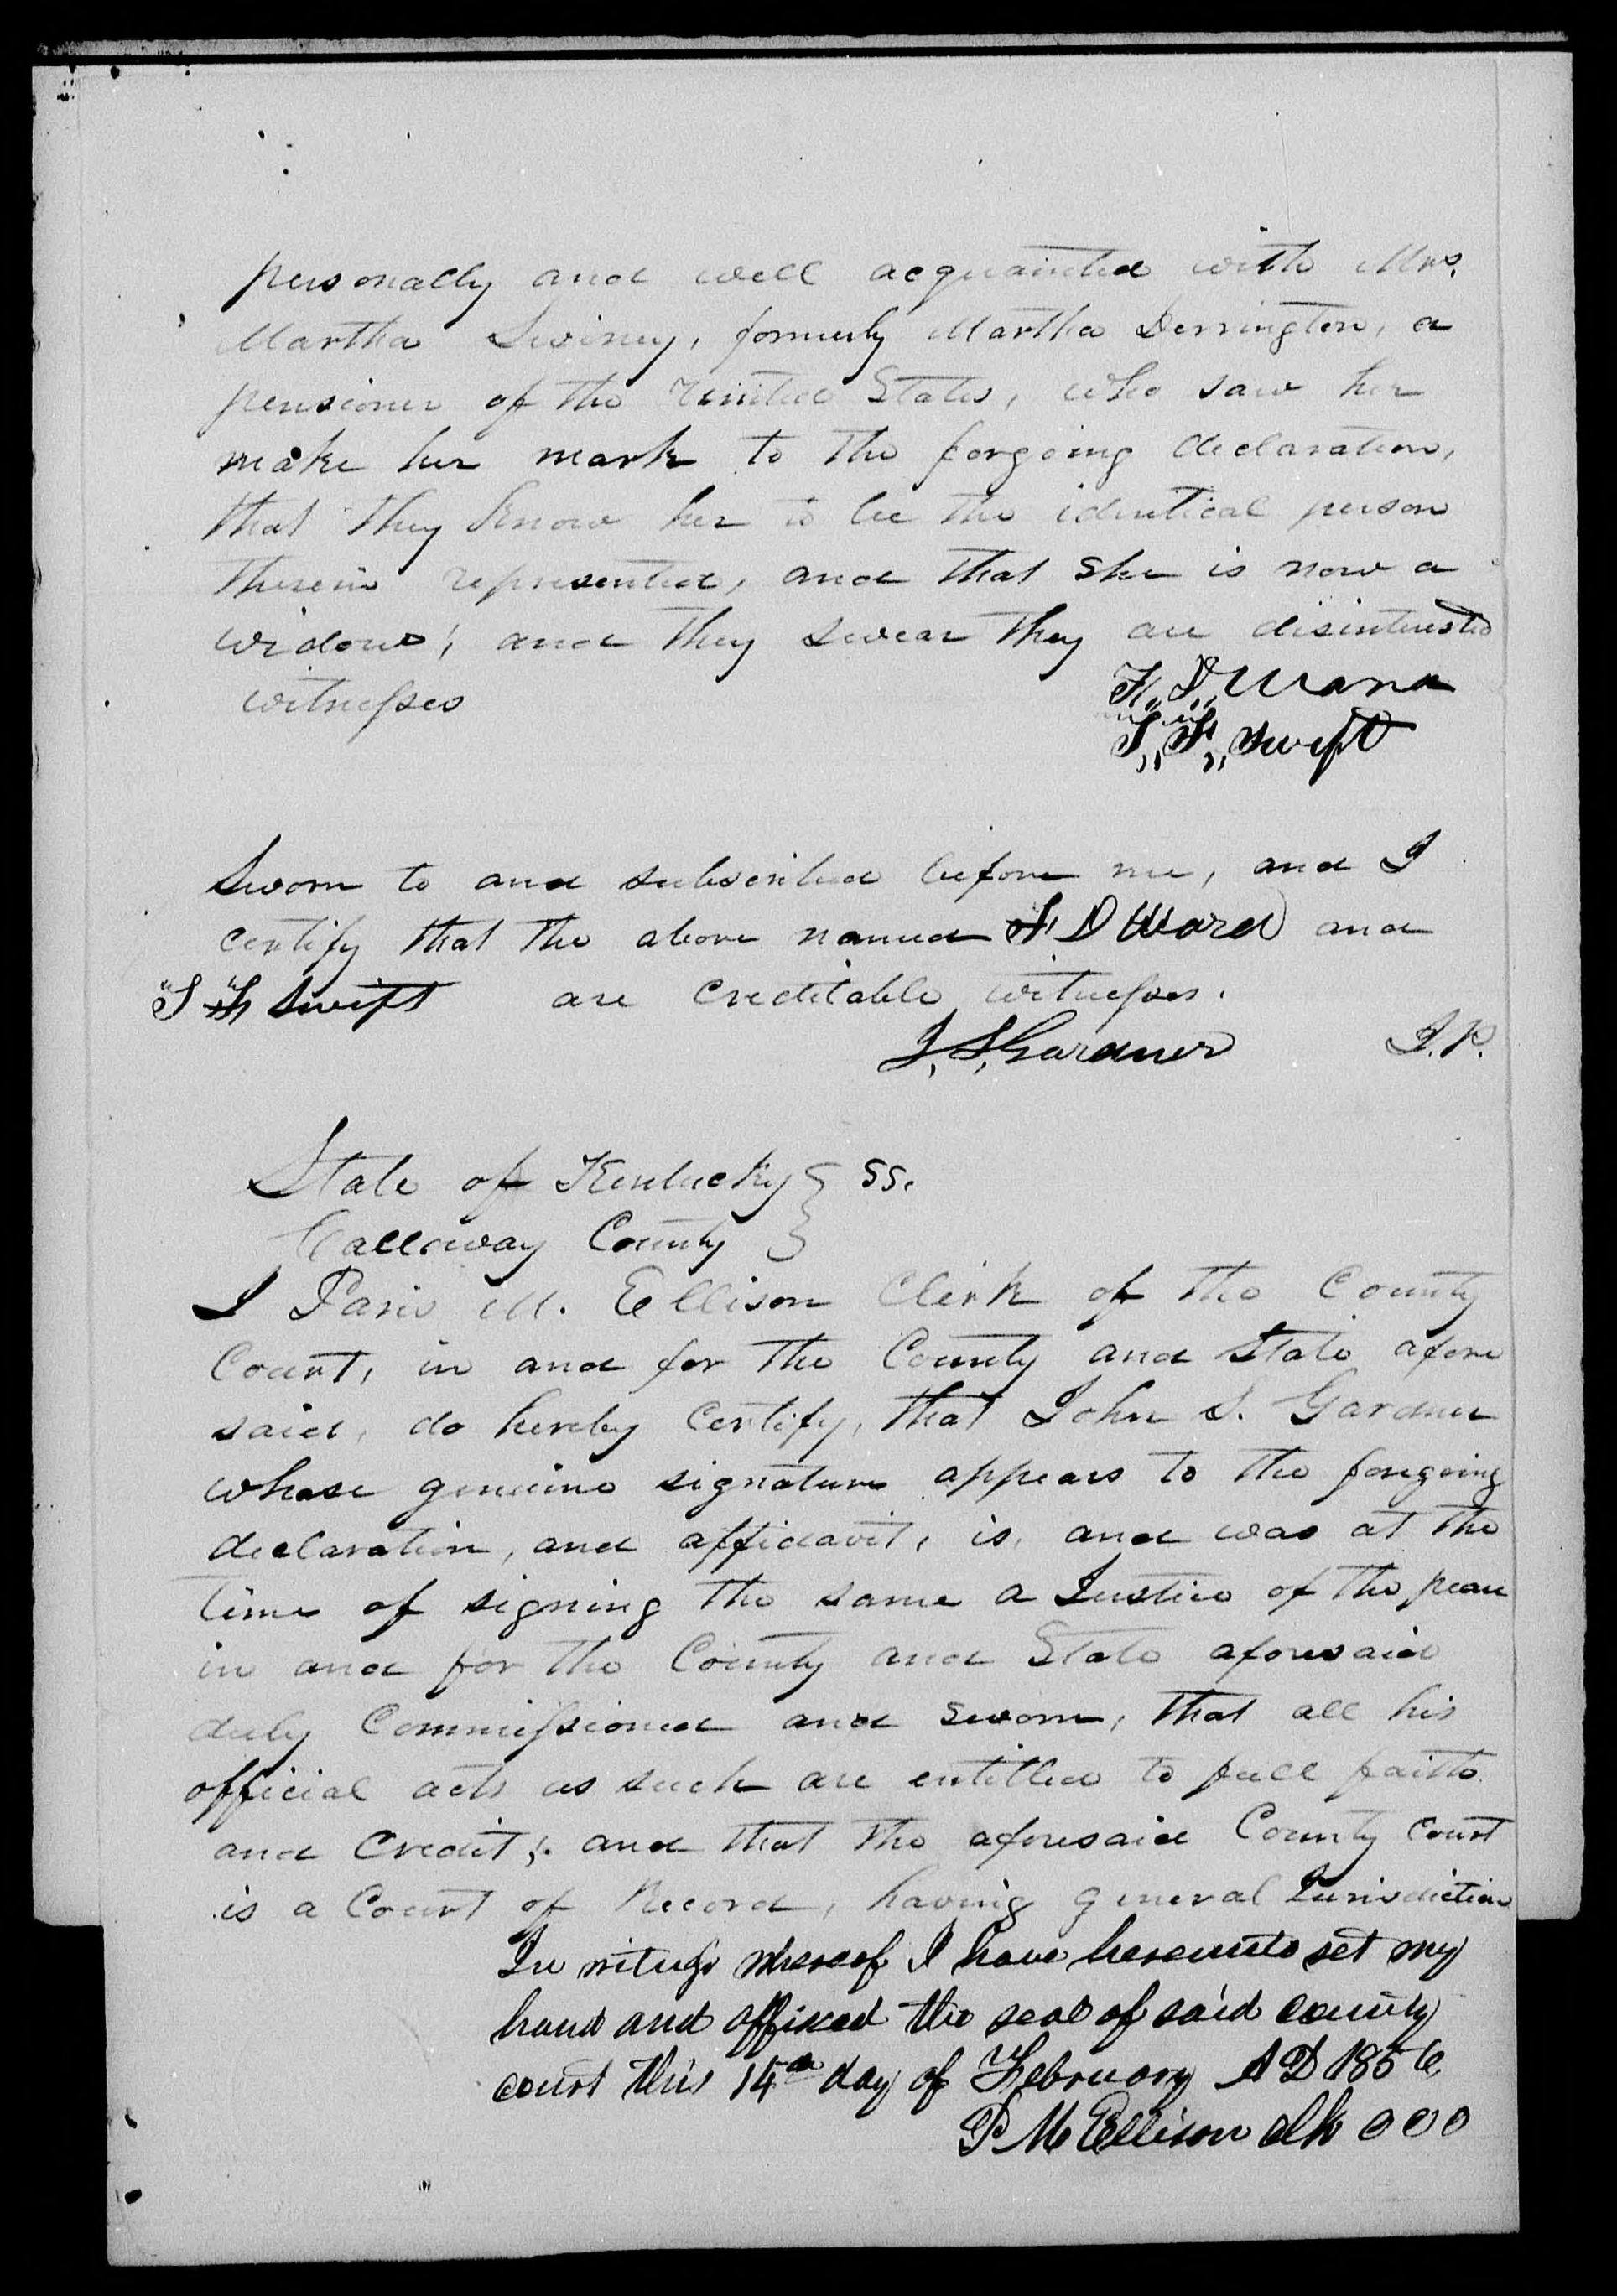personally and well acquainted  with Mrs. Martha Swiney, formerly  Martha Derrington, a pensioner of the United States, who saw her make her mark to the forgoing declaration, that they know her to be the identical person therein and that she is now a widow, and they swear they are disinterested witnesses.  
             F.D. Ward
              LF Swift
Sworn to and subsented before me, and I certify that the above named F.D. Ward andLF Swift are creditable witnesses.
              JSharaner          
State of Kentucky
Calloway County
I Paris M. Ellison Clerk of the county court , in and for the county and the State afore said, do hereby certify, that John S. Gardener whose genuine signature appears to the forgoing declaration , and affidavit is and was at the time of signing the same a Justice  of the peace in and for the and State afore said duly commissioned and sworn that all his official acts, as such are entitled to full faith and credit and the afore said county court is a court of record, having general jurisdiction. 
    

Contents
Name also appears as Derrington, Dunington and Durrington
Former widow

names: John S Gardner, P M Ellison, T F Swift, Martha Swiney, J S Gardner, F D Ward, F D Ward, T F Swift, Paris M Ellison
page: 9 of 51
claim: widow's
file: W. 27,409, William Dunnington, Md.